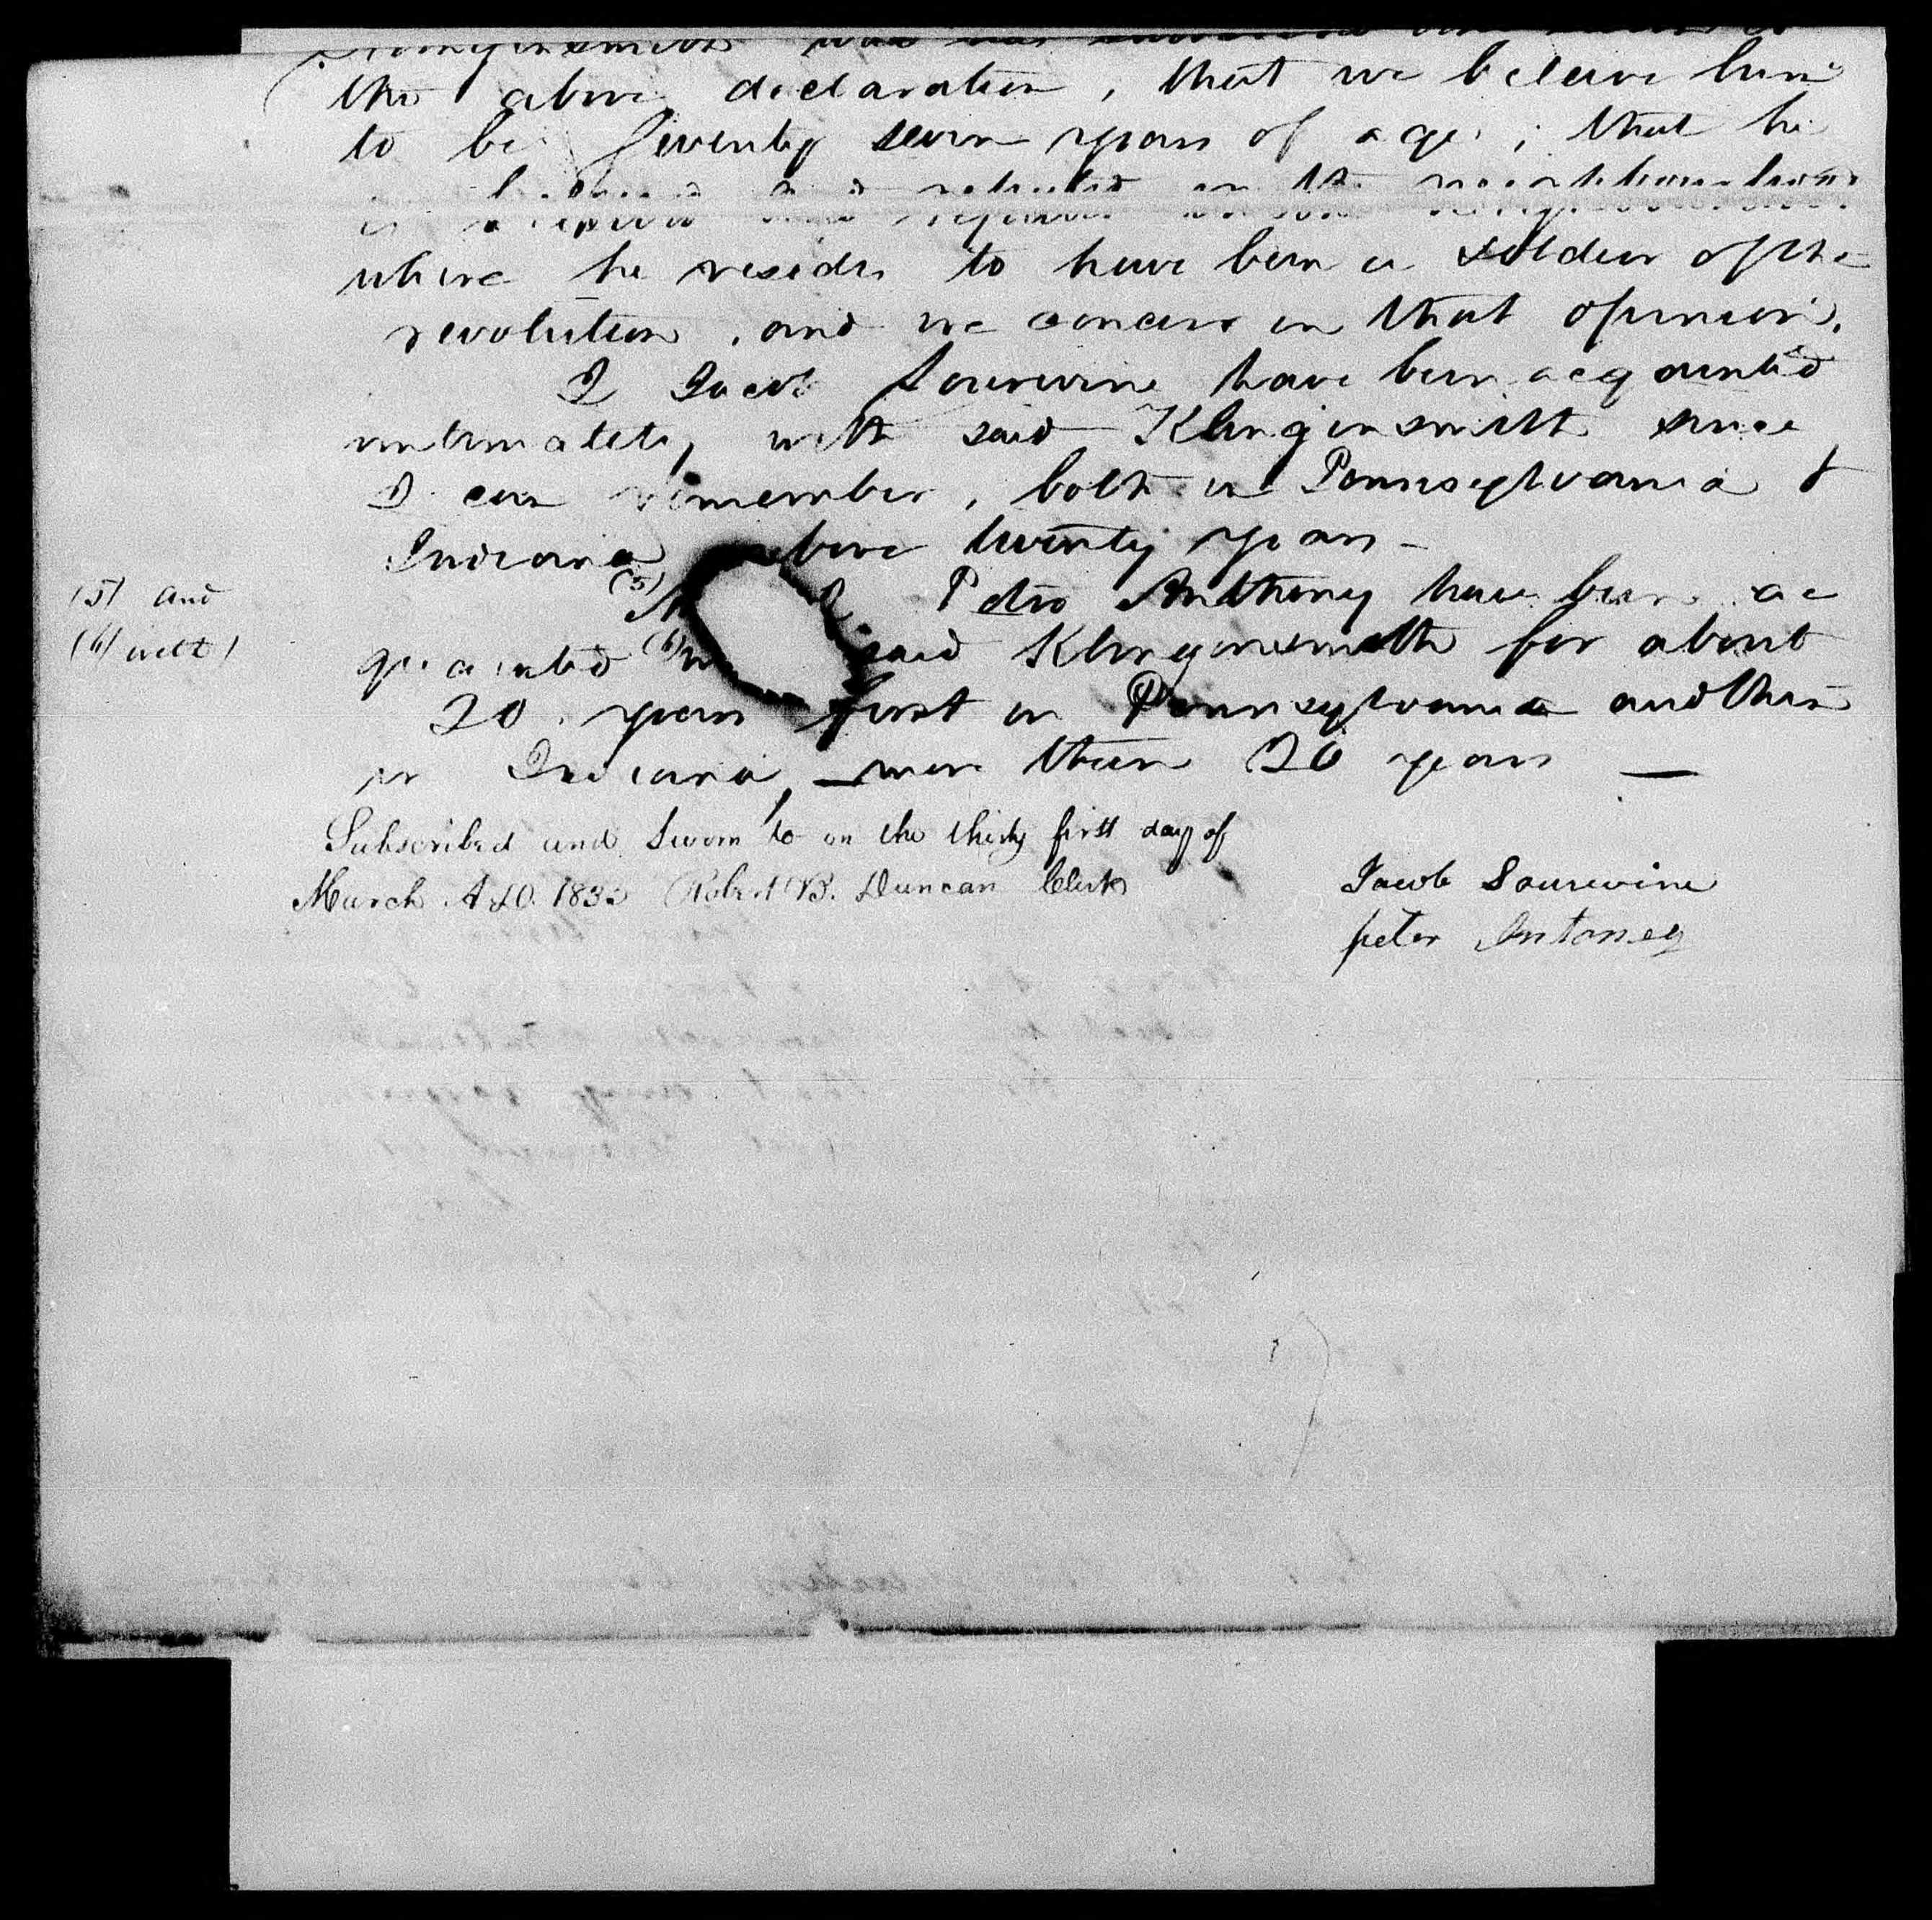Klinginsmith was [illegible] 
the above declaration, that we believe him to be seventy seven years of age; that he is [illegible] in the neighborhood where he resides to have been a soldier of the revolution, and we  concur in that opinion.

I Jacob Sourwine have been acquainted intimately with said Klinginsmith since I can remember, both in Pennsylvania & Indiana [illegible] twenty years.

And I Peter Anthony have been acquainted with said Klinginsmith for about 20 years first in Pennsylvania and then in Indiana, more than 20 years ——

Subscribed and Sworn to on the thirty first day of March AD 183[5?] Robert B. Duncan   Clerk

Jacob Sourwin
Peter Antoney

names: Peter Anthony; [BLANK] Klinginsmith; Jacob Sourwine; Robert B Duncan; Peter Antoney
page: 10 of 14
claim: rejected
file: R. 6005, for Jacob Klinginsmith, Pennsylvania